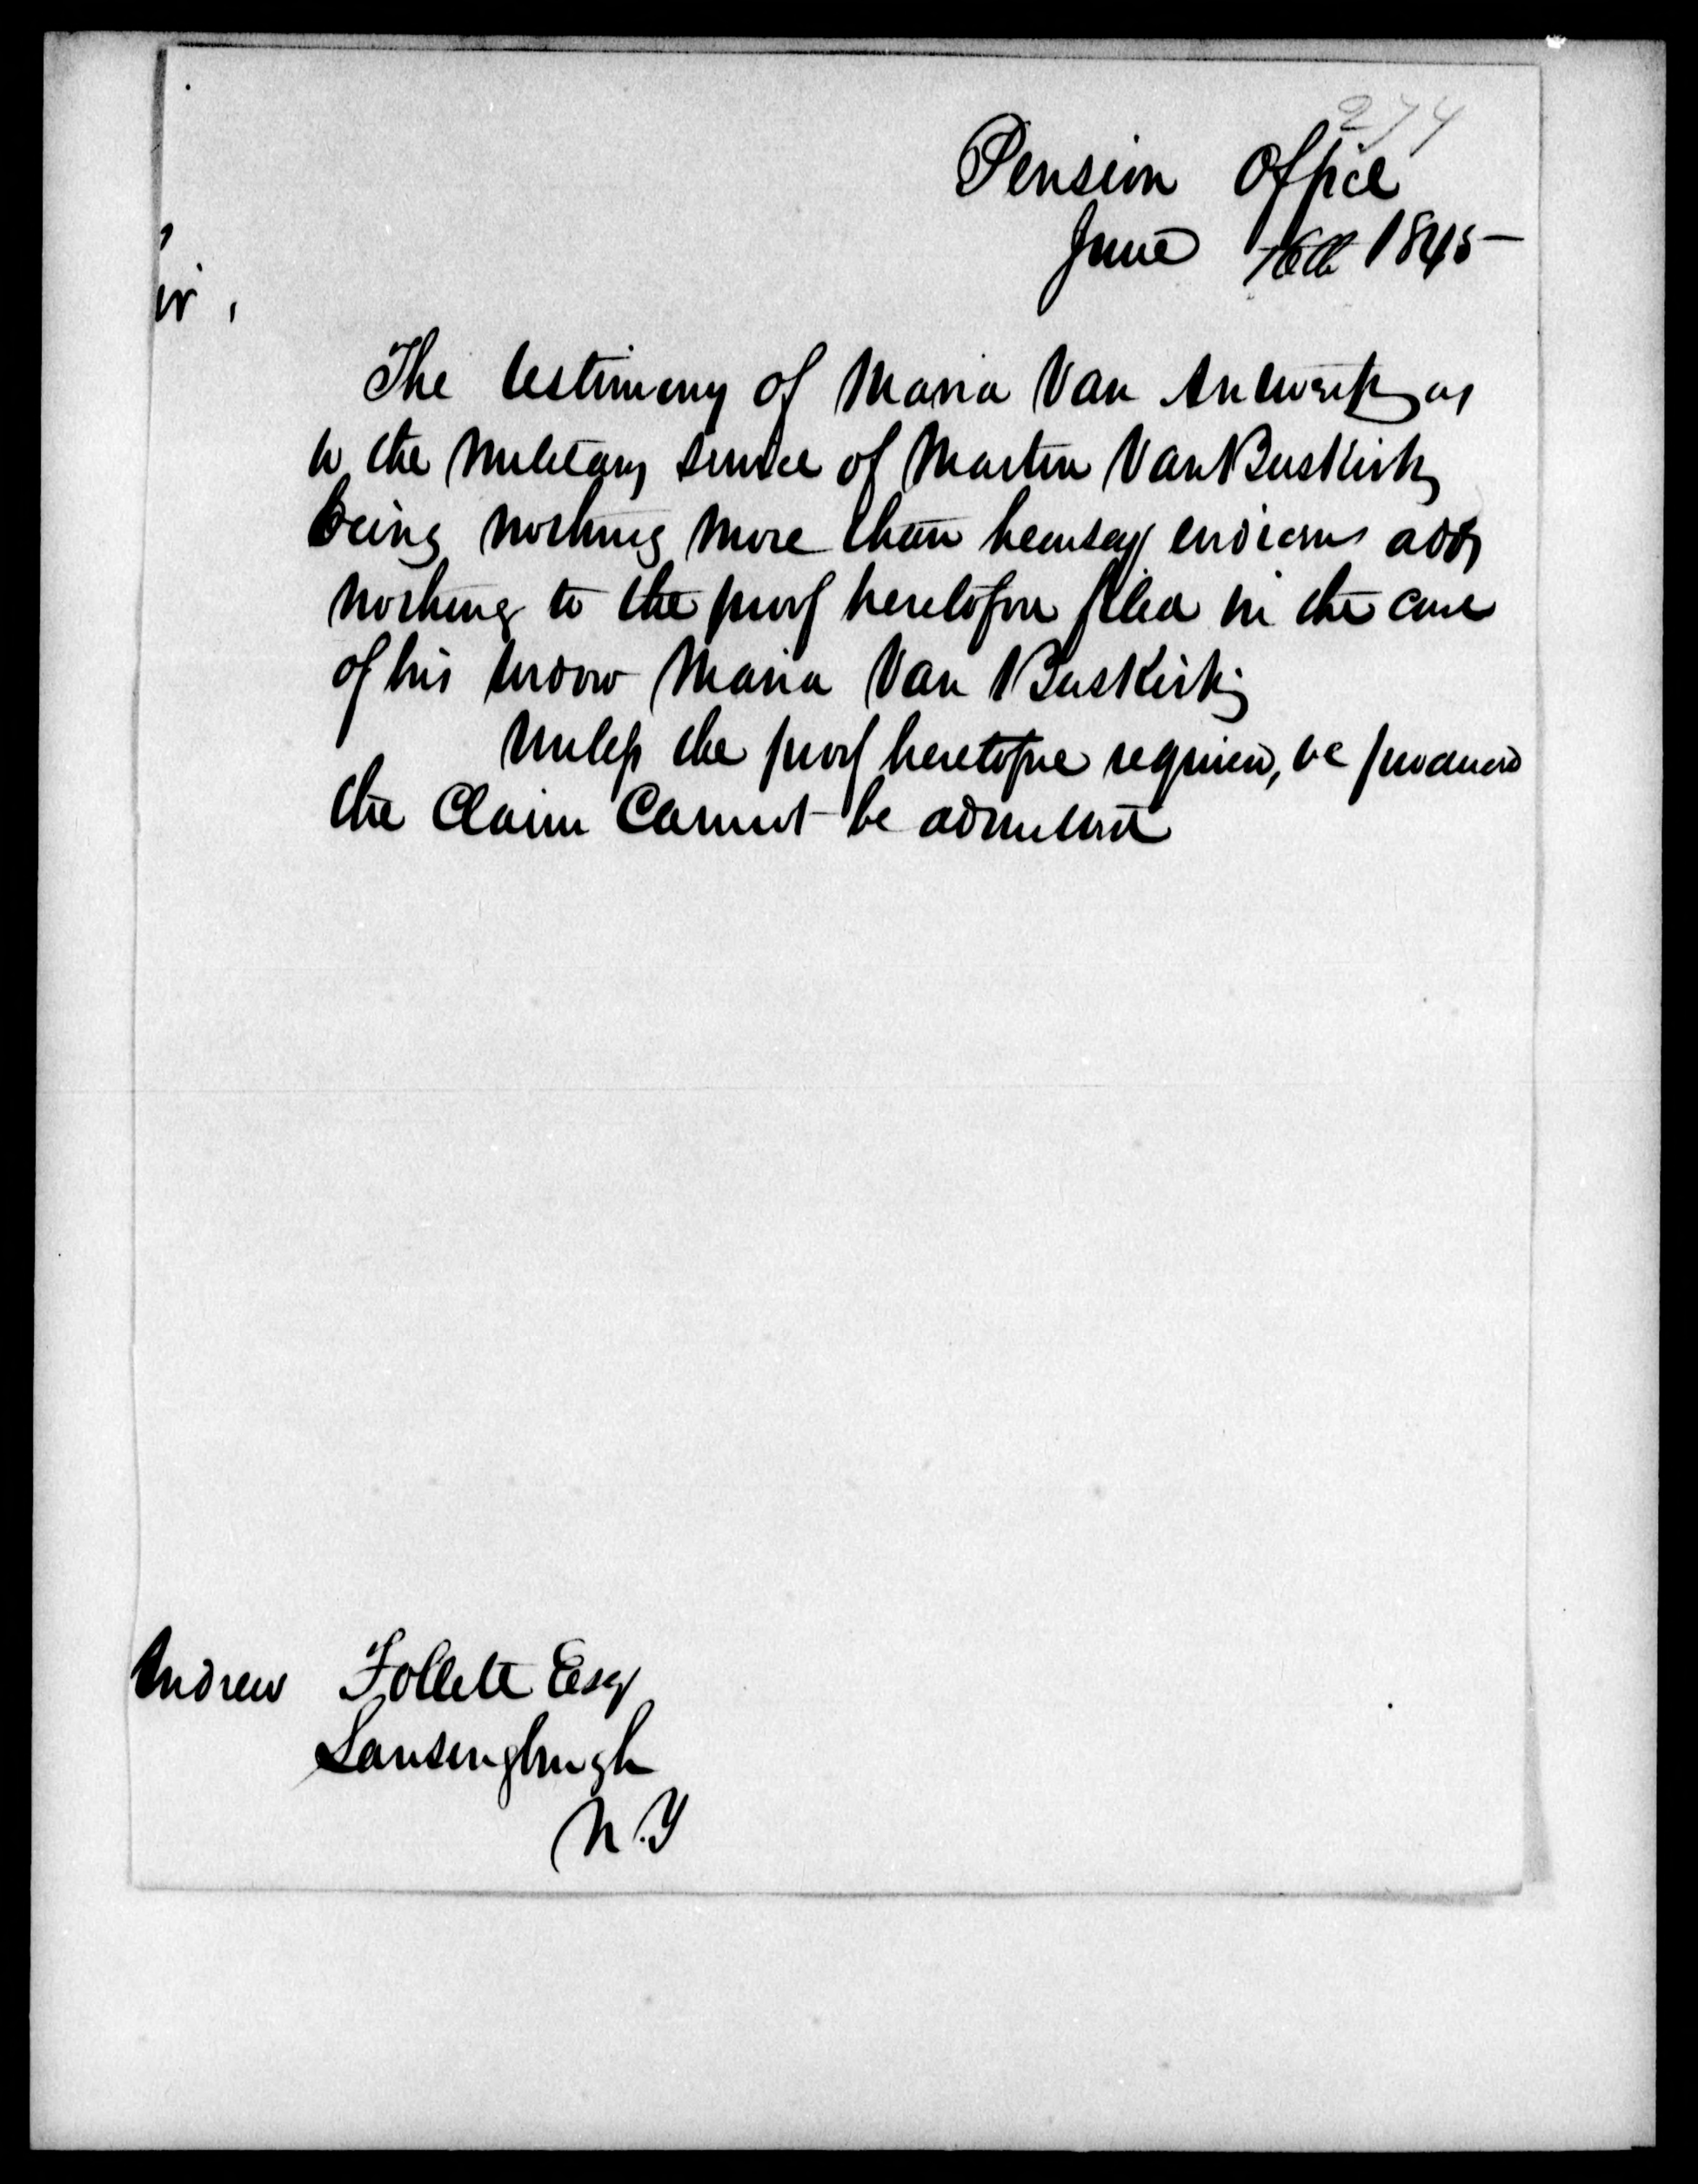274

Pension Office
June 16th 1845

Sir,
The testimony of Maria Van Antwerp as to the military service of Martin Van Buskirk being nothing more than heresay evidence [illegible] 
nothing to the proof heretofore filed in the case
of his widow Maria Van Buskirk.

Unless the proof heretofore required, be produced the claim cannot be admitted

Andrew Follett Esq
Lansingburgh
N.Y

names: Maria Van Antwerp, Maria Van Buskirk, Andrew Follett, Martin Van Buskirk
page: 49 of 70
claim: rejected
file: R. 10,832, Martin Van Buskirk, New York.